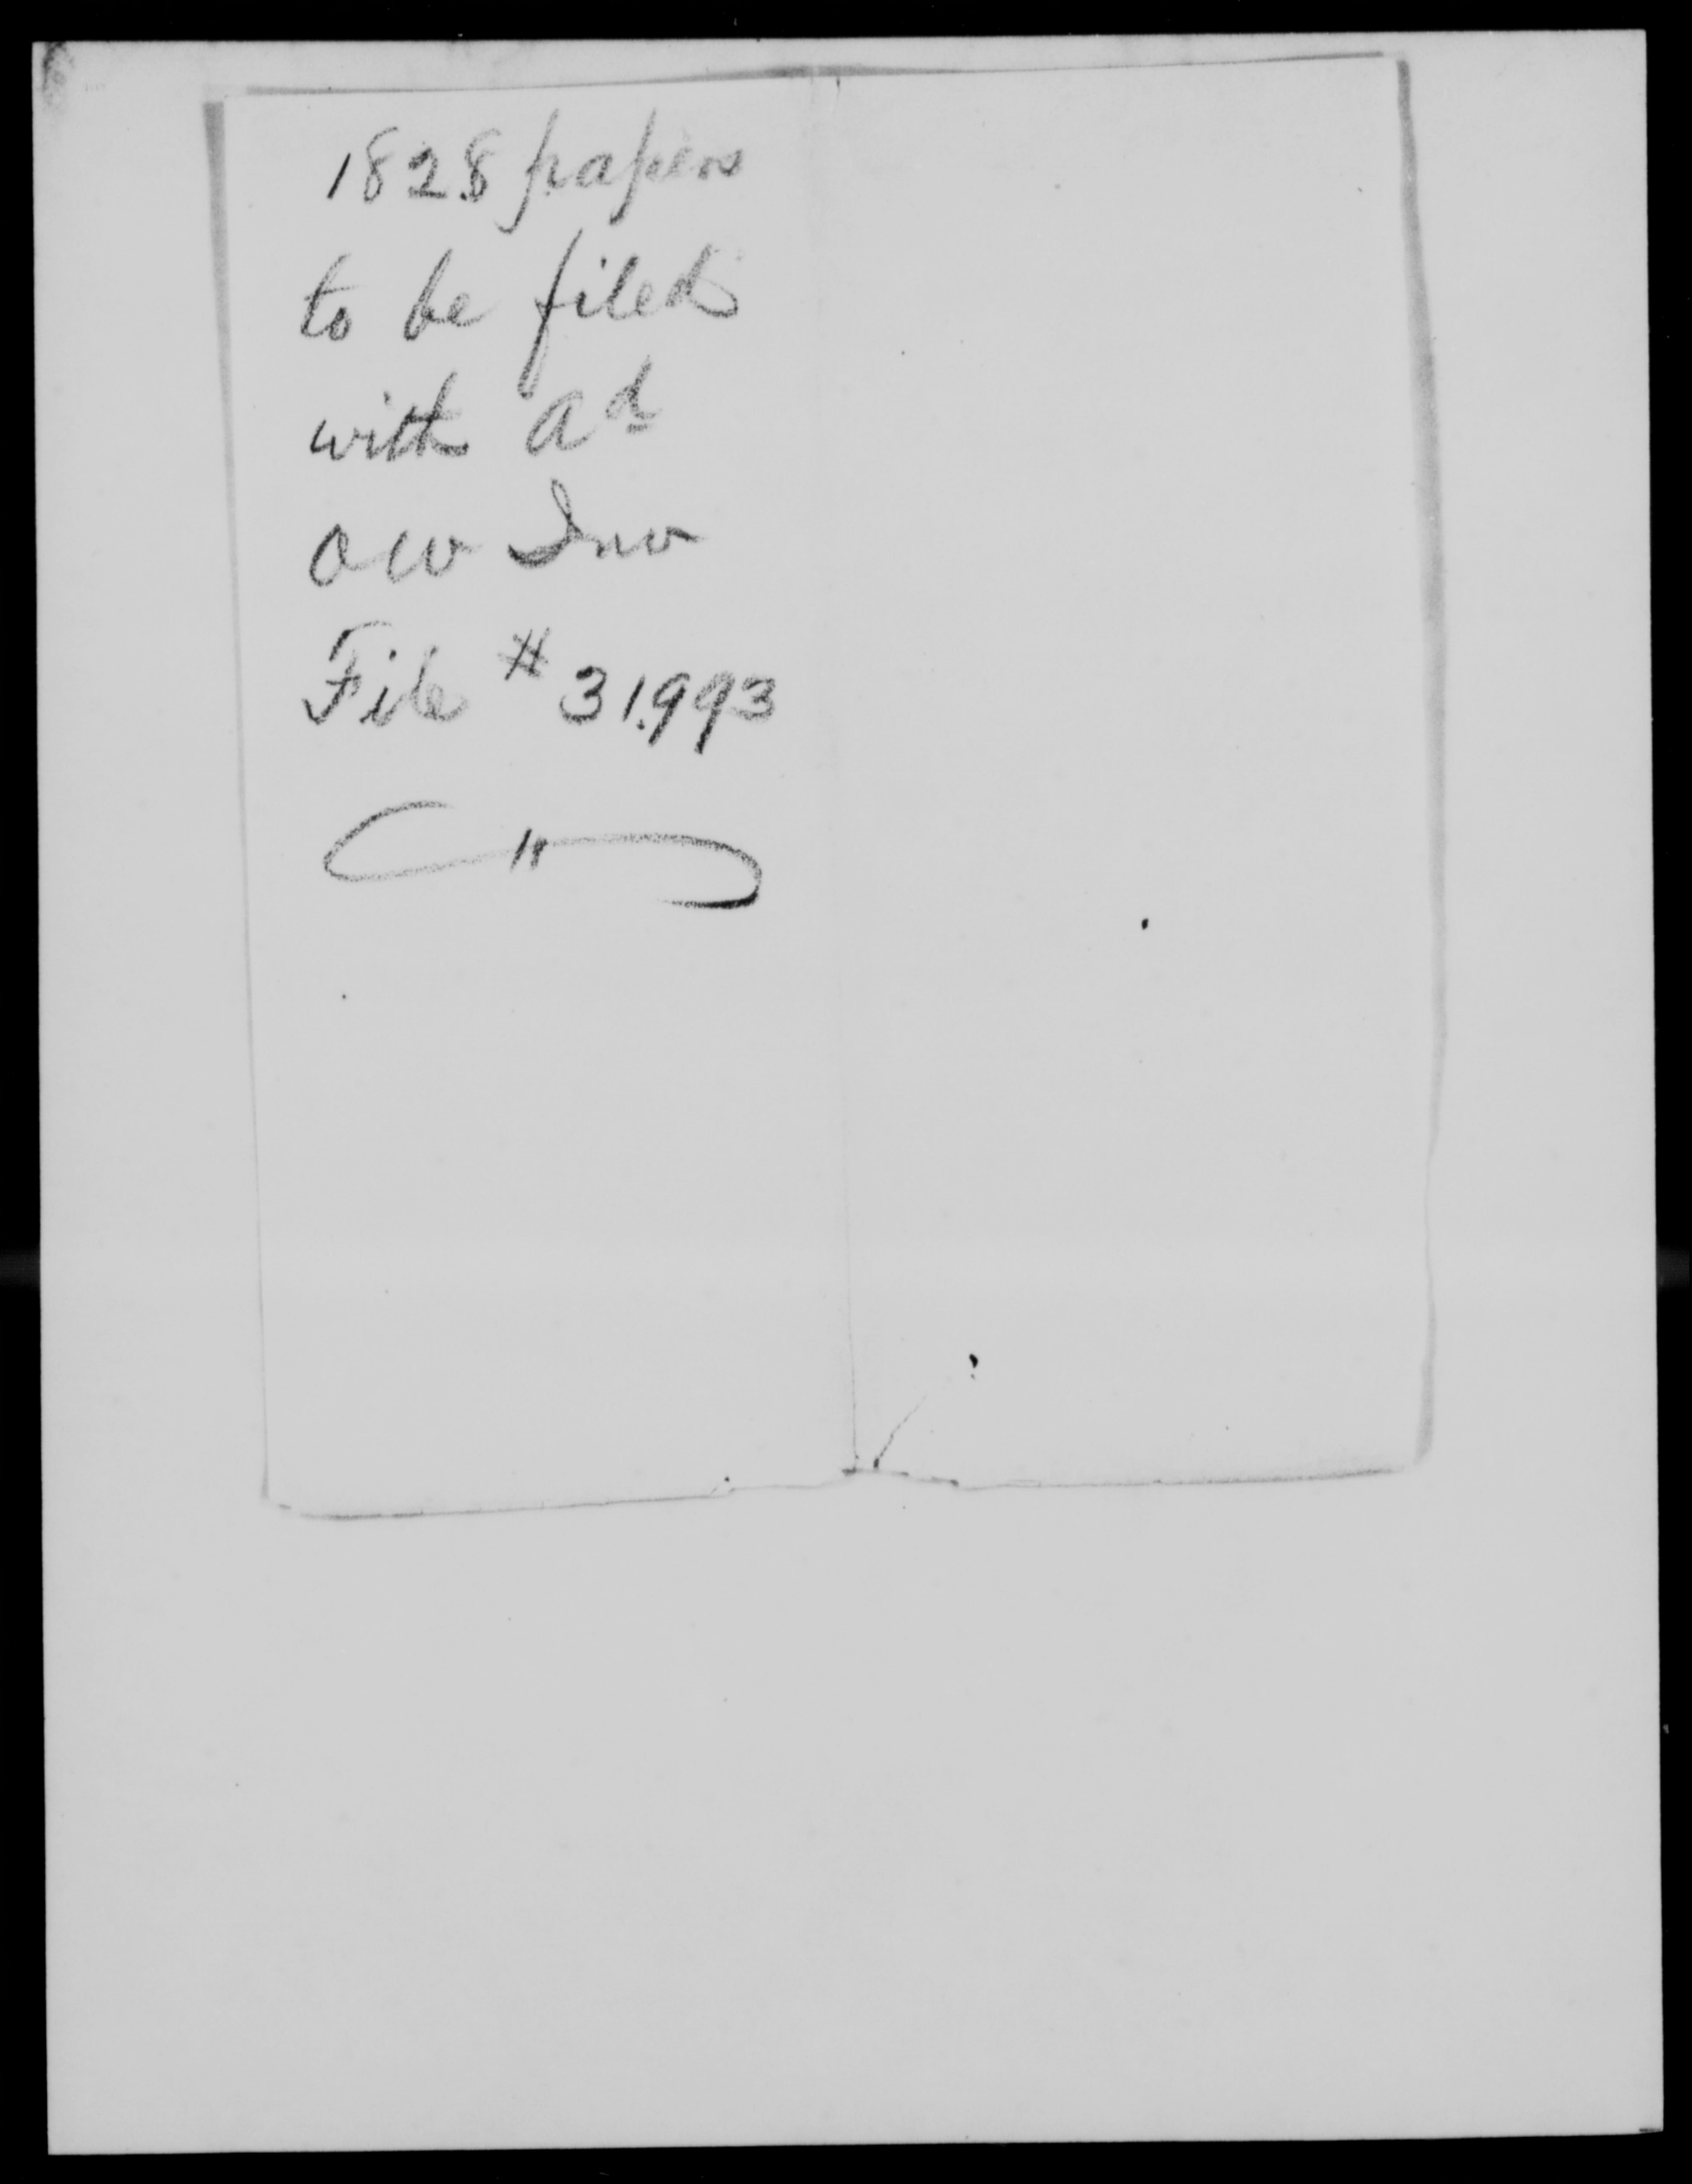182.8 papers to be filed with A d o w Inv
File #31.993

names: Jno [BLANK]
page: 3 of 25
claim: survivor's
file: S. 31,993, for Jacob Stillwell, North Carolina